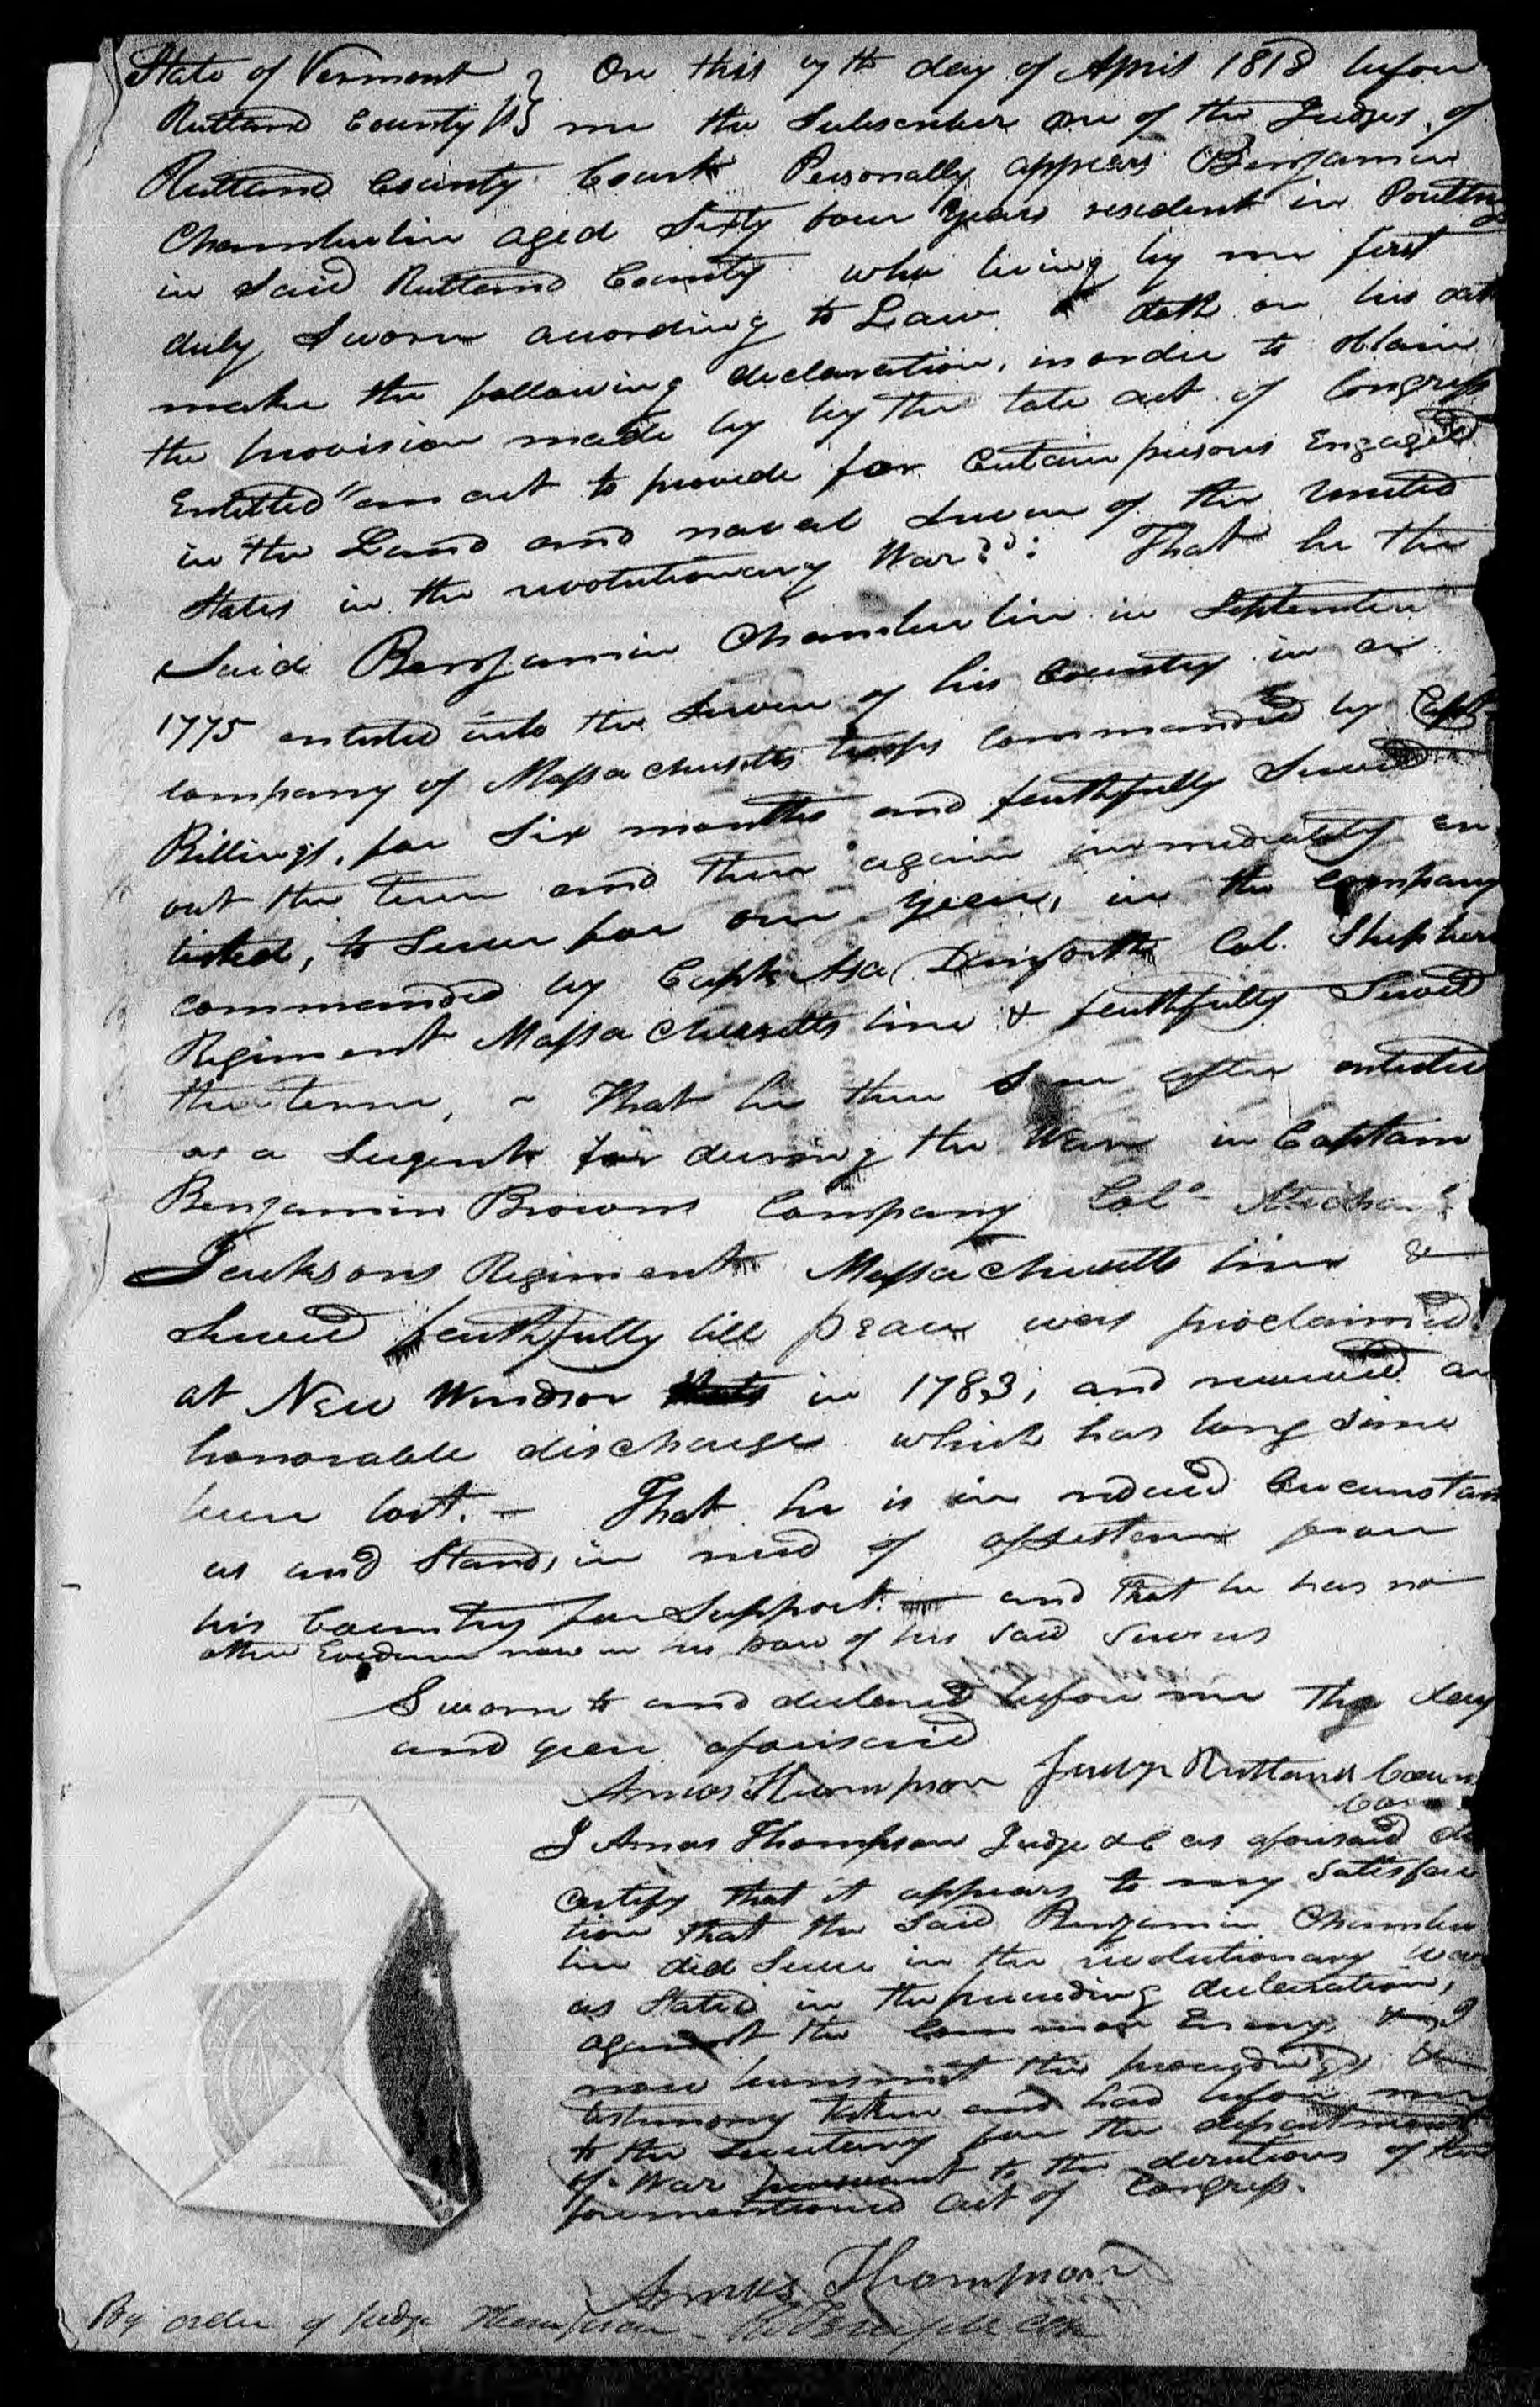State of Vermont Rutland County ss.} On this 7th day of April 1818 before me the subscriber one of the judges, of Rutland County Court personally appeared Benjamin Chamberlin aged sixty four years resident in Poultney in said Rutland County who having by me first duly sworn according to law, doth on his oath make the following declaration, in order to obtain the provisions made by the late act of Congress entitled "an act to provide for certain persons engaged in the land and naval divisions of the United States in the revolutionary war" : That he the said Benjamin Chamberlin in September 1775 enlisted into the service of his country in a company of the Massachusetts troops commanded by Captain Billings, for six months and faithfully served out the time and then again immediately enlisted, to serve for one year, in the company commanded by Captain Asa Danforth Colonel Shepherd’s Regiment Massachusetts line and faithfully served the term - that he then soon after enlisted as a Sergeant for during the War in Captain Benjamin Browns Company   Colonel [illegible] Jacksons Regiment Massachusetts line and served faithfully till peace was proclaimed at New Windsor in 1783, and received an honorable discharge which has long since been lost - That he is in reduced circumstances and stands in need of assistance from his Country for support - and that he has no other evidence now in in his [illegible] of his said services

Sworn to and declared before me the day and year aforesaid
Amos Thompson Judge Rutland County Court
I Amos Johnson judge as aforesaid do certify that it appears to my satisfaction that the said Benjamin Chamberlin did serve in the revolutionary war as stated in the preceding declaration, against the common enemy and I now submit this proceeding and testimony taken and heard before me to the  Secretary for the department of war  pursuant to the directions of the forementioned Act of Congress.
Amos Thompson  By order of Judge Thompon -  [illegible]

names: Benjamin Chamberlin, Benjamin Chamberlin, Asa Danforth, Amos Thompson, Amos Thompson, Benjamin Chamberlin, Billings, Amos Thompson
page: 4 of 30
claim: survivor's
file: S. 39306, Benjamin Chamberlin, Mass.